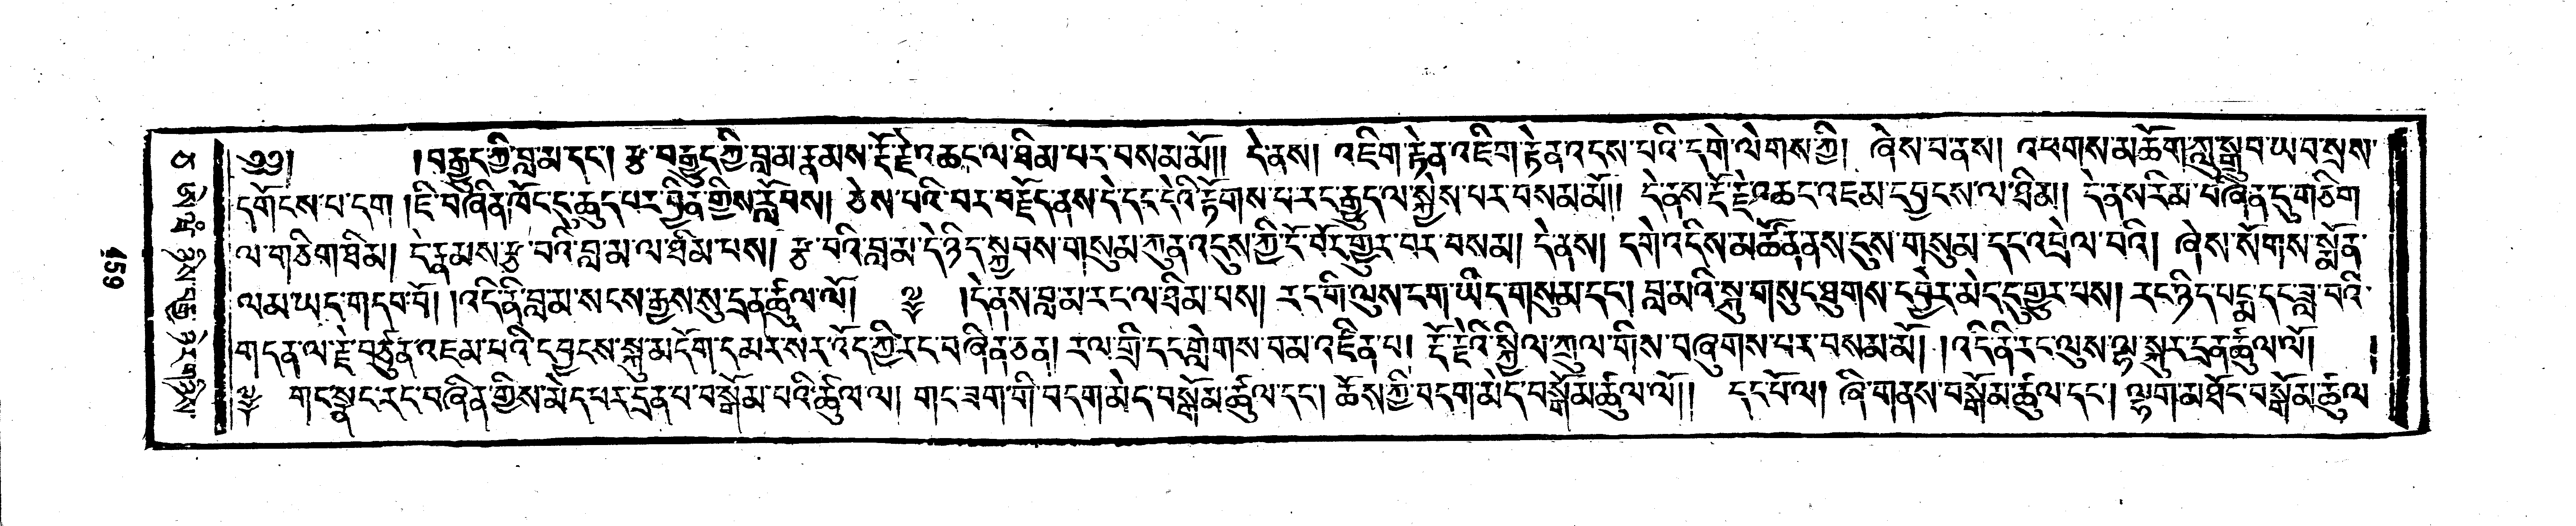༄༅། །བརྒྱུད་ཀྱི་བླ་མ་དང་། རྩ་བརྒྱུད་ཀྱི་བླ་མ་རྣམས་རྡོ་རྗེ་འཆང་ལ་ཐིམ་པར་བསམ་མོ། །དེ་ནས། འཇིག་རྟེན་འཇིག་རྟེན་འདས་པའི་དགེ་ལེགས་ཀྱི། ཞེས་པ་ནས། འཕགས་མཆོག་ཀླུ་སྒྲུབ་ཡབ་སྲས་
དགོངས་པ་དག །ཇི་བཞིན་ཁོང་དུ་ཆུད་པར་བྱིན་གྱིས་རློབས། ཅེས་པའི་བར་བརྗོད་ནས་དེ་དང་དེའི་རྟོགས་པ་རང་རྒྱུད་ལ་སྐྱེས་བར་བསམ་མོ། །དེ་ནས་རྡོ་རྗེ་འཆང་འཇམ་དབྱངས་ལ་ཐིམ། དེ་ནས་རིམ་བཞིན་དུ་གཅིག་
ལ་གཅིག་ཐིམ། དེ་རྣམས་རྩ་བའི་བླ་མ་ལ་ཐིམ་པས། རྩ་བའི་བླ་མ་དེ་ཉིད་སྐྱབས་གསུམ་ཀུན་འདུས་ཀྱི་ངོ་བོར་གྱུར་པར་བསམ། དེ་ནས། དགེ་འདིས་མཚོན་ནས་དུས་གསུམ་དང་འབྲེལ་བའི། ཞེས་སོགས་སྨོན་
ལམ་ཡང་གདབ་བོ། །འདི་ནི་བླ་མ་སངས་རྒྱས་སུ་དྲན་ཚུལ་ལོ། ༈ །དེ་ནས་བླ་མ་རང་ལ་ཐིམ་པས། རང་གི་ལུས་ངག་ཡིད་གསུམ་དང་། བླ་མའི་སྐུ་གསུང་ཐུགས་དབྱེར་མེད་དུ་གྱུར་པས། རང་ཉིད་པདམ་དང་ཟླ་བའི་
གདན་ལ་རྗེ་བཙུན་འཇམ་པའི་དབྱངས་སྐུ་མདོག་དམར་སེར་འོད་ཀྱི་རང་བཞིན་ཅན། རལ་གྲི་དང་གླེགས་བམ་འཛིན་པ། རྡོ་རྗེའི་སྐྱིལ་ཀྲུང་གིས་བཞུགས་པར་བསམ་མོ། །འདི་ནི་རང་ལུས་ལྷ་སྐུར་དྲན་ཚུལ་ལོ། །
༈ གང་སྣང་རང་བཞིན་གྱིས་མེད་པར་དྲན་པ་བསྒོམ་པའི་ཚུལ་ལ། གང་ཟག་གི་བདག་མེད་བསྒོམ་ཚུལ་དང་། ཆོས་ཀྱི་བདག་མེད་བསྒོམ་ཚུལ་ལོ། །དང་པོ་ལ། ཞི་གནས་བསྒོམ་ཚུལ་དང་། ལྷག་མཐོང་བསྒོམ་ཚུལ་